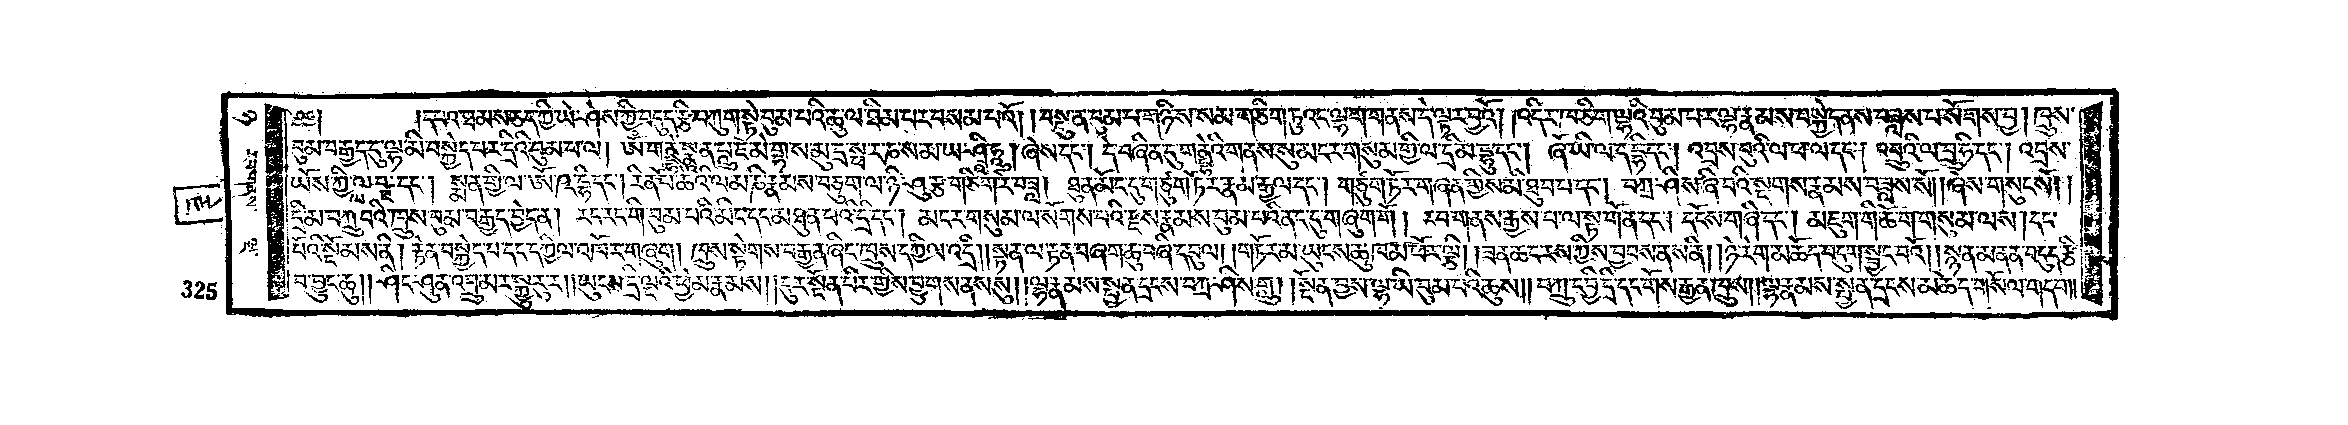༄༅། །དཔའ་ཐམས་ཅད་ཀྱི་ཡེ་ཤེས་ཀྱི་བདུད་རྩི་བཀུག་སྟེ་བུམ་པའི་ཆུ་ལ་ཐིམ་པར་བསམ་པའོ། །བསྡུ་ན་བུམ་པ་གཉིས་སམ་གཅིག་ཏུའང་ལྷག་གནས་དེ་ལྟར་བྱའོ། །འདིར་ཁ་ཅིག་ལྷའི་བུམ་པར་ལྷ་རྣམས་བསྐྱེད་ནས་བཟླས་པ་སོགས་བྱ། ཁྲུས་
བུམ་བརྒྱད་དུ་ལྷ་མི་བསྐྱེད་པར་དྲིའི་བུམ་པ་ལ། ཨོཾ་གནྡྷེ་སྣཱན་པཱུ་ཛ་མེ་གྷ་ས་མུ་དྲ་སྥ་ར་ཎ་ས་མ་ཡ་ཤྲཱི་ཧཱུཾ། ཞེས་དང་། དེ་བཞིན་གནྡྷེའི་གནས་སུ་མངར་གསུམ་གྱི་ལ་དྲི་མ་དྷུ་དང་། ཞོ་ཡི་ལ་ད་དྷི་དང་། འབྲས་བུའི་ལ་ཕ་ལ་དང་། འབྲུའི་ལ་བྲུ་ཧི་དང་། འབྲས་
ཡོས་ཀྱི་ལ་ལ་བཛ་དང་། སྨན་གྱི་ལ་ཨོ་ཥ་དྷི་དང་། རིན་པོ་ཆེའི་ལམ་ཎི་རྣམས་བཅུག་ལ་ཉི་ཤུ་རྩ་གཅིག་རེ་བཟླ། ཐུན་མོང་དུ་གཙུག་ཏོར་རྣམ་རྒྱལ་དང་། གཙུག་ཏོར་གཞན་གྱིས་མི་ཐུབ་པ་དང་། བཀྲ་ཤིས་ཞི་བའི་སྔགས་རྣམས་བཟླས་སོ། །ཞེས་གསུངས་སོ། །
དྲི་མ་བཀྲུ་བའི་ཁྲུས་བུམ་བརྒྱད་བྱེད་ན། རང་རང་གི་བུམ་པའི་མིང་དང་མཐུན་པའི་དྲི་དང་། མངར་གསུམ་ལ་སོགས་པའི་རྫས་རྣམས་བུམ་པའི་ནང་དུ་གཞུག་གོ །རབ་གནས་རྒྱས་པ་ལ་སྟ་གོན་དང་། དངོས་གཞི་དང་། མཇུག་གི་ཆོ་ག་གསུམ་ལས། དང་
པོའི་སྔོམས་ནི། རྟེན་བསྐྱེད་པ་དང་དཀྱིལ་འཁོར་གཞུག། ཁྲུས་སྟེགས་བརྒྱན་ཞིང་ཁྲུས་དཀྱིལ་འདྲི། །སྟན་ལ་རྟེན་བཞག་ཆུ་བཞི་དབུལ། །གཏོར་མ་ཡུངས་ཆུ་ཁམ་ཕོར་ལྕི། །ཟན་ཆང་རས་ཀྱིས་བྱབས་ནས་ནི། །ཉེ་རེག་མཆོད་བདུག་སྦྱང་བའོ། །སྙན་མནན་བདུད་རྩི་
བ་བྱུང་ཆུ། །ཤིང་ཤུན་འབྲུ་མར་སྐྱུ་རུ་ར། །ཡུང་བ་དྲི་ལྡའི་ཕྱེ་མ་རྣམས། །དུར་སྔོན་པིར་གྱིས་བྱུགས་ནས་སུ། །ལྷ་རྣམས་སྤྱན་དྲངས་བཀྲ་ཤིས་ཀླུ། །སྔོན་བྱས་ལྷ་ཡི་ངུམ་པའི་ཆུས། །བཀྲུ་དབྱི་དྲི་དང་གོས་རྒྱན་ཁྲུས། །ལྷ་རྣམས་སྤྱན་དྲངས་མཆེད་གསོལ་གདབ། །